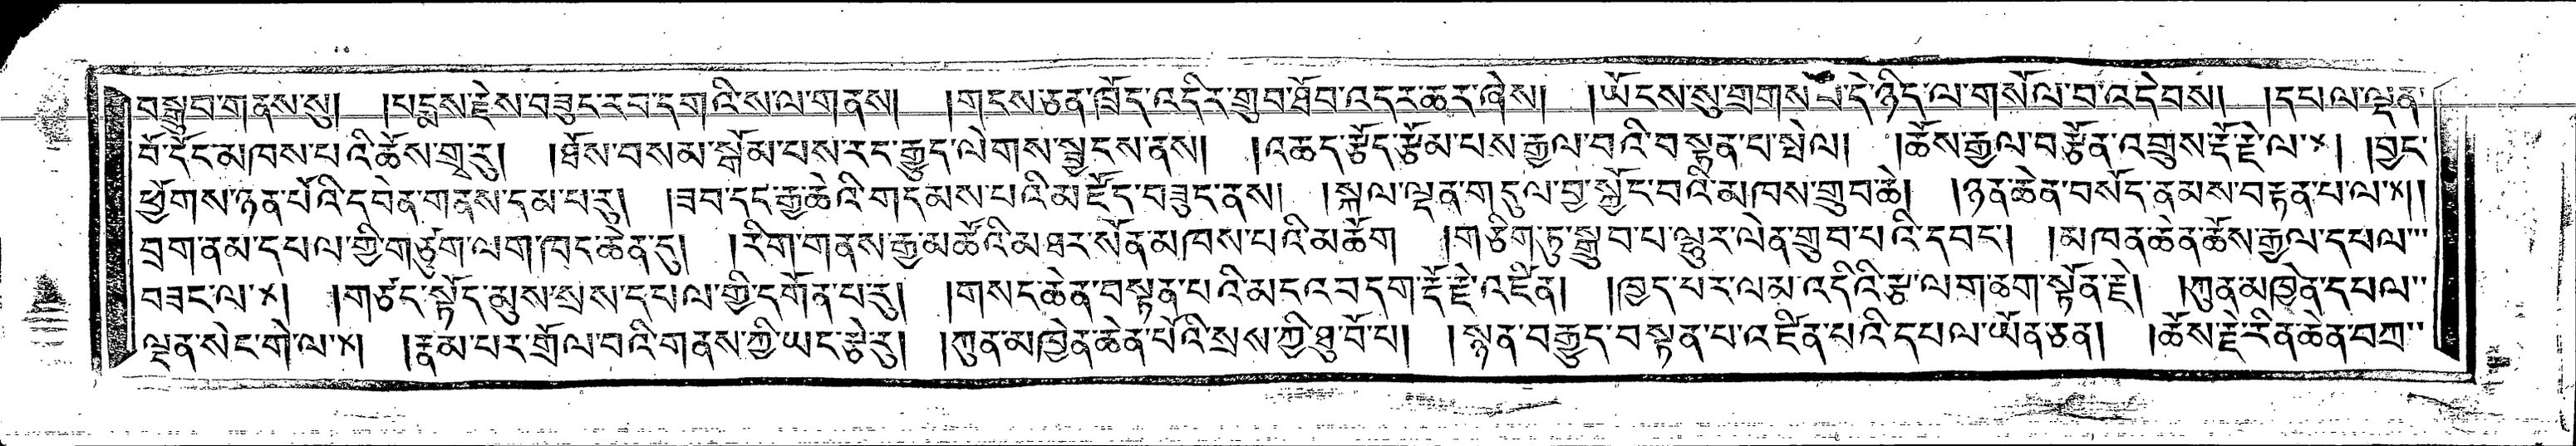བསྒྲུབ་གནས་སུ། །པདམ་རྗེས་བཟུང་རབ་དགའི་ས་ལ་གནས། །གངས་ཅན་ཁྲོད་འདིར་གྲུབ་ཐོབ་འདར་ཆར་ཞེས། །ཡོངས་སུ་གྲགས་པ་དེ་ཉིད་ལ་གསོལ་བ་འདེབས། །དཔལ་ལྡན་
བོ་དོང་མཁས་པའི་ཆོས་གྲྭ་རུ། །ཐོས་བསམ་སྒོམ་པས་རང་རྒྱུད་ལེགས་སྦྱངས་ནས། །འཆད་རྩོད་རྩོམ་པས་རྒྱལ་བའི་བསྟན་པ་སྤེལ། །ཆོས་རྒྱལ་བརྩོན་འགྲུས་རྡོ་རྗེ་ལ་{྾}་། །བྱང་
ཕྱོགས་ཉན་པོའི་དབེན་གནས་དམ་པ་རུ། །ཟབ་དང་རྒྱ་ཆེའི་གདམས་པའི་མཛོད་བཟུང་ནས། །སྐལ་ལྡན་གདུལ་བྱ་སྐྱོང་བའི་མཁས་གྲུབ་ཆེ། །ཉན་ཆེན་བསོད་ནམས་བརྟན་པ་ལ་{྾}། །
བྲག་ནམ་དཔལ་གྱི་གཙུག་ལག་ཁང་ཆེན་དུ། །རིག་གནས་རྒྱ་མཚོའི་མཐར་སོན་མཁས་པའི་མཆོག །གཅིག་ཏུ་སྒྲུབ་པ་ལྷུར་ལེན་གྲུབ་པའི་དབང་། །མཁས་ཆེན་ཆོས་རྒྱལ་དཔལ་
བཟང་ལ་{྾}། །གཙང་སྟོད་མུས་སྲས་དཔལ་གྱི་དགོན་པ་རུ། །གསང་ཆེན་བསྟན་པའི་མངའ་བདག་རྡོ་རྗེ་འཛིན། །ཁྱད་པར་ལམ་འདིའི་རྩ་ལག་ཆག་སྟོན་རྗེ། །ཀུན་མཁྱེན་དཔལ་
ལྡན་སེང་གེ་ལ་{྾}། །རྣམ་པར་གྲོལ་བའི་གནས་ཀྱི་ཡང་རྩེ་རུ། །ཀུན་མཁྱེན་ཆེན་པོའི་སྲས་ཀྱི་ཐུ་བོ་པ། །སྙན་བརྒྱུད་བསྟན་པ་འཛིན་པའི་དཔལ་ཡོན་ཅན། །ཆོས་རྗེ་རིན་ཆེན་བཀྲ་